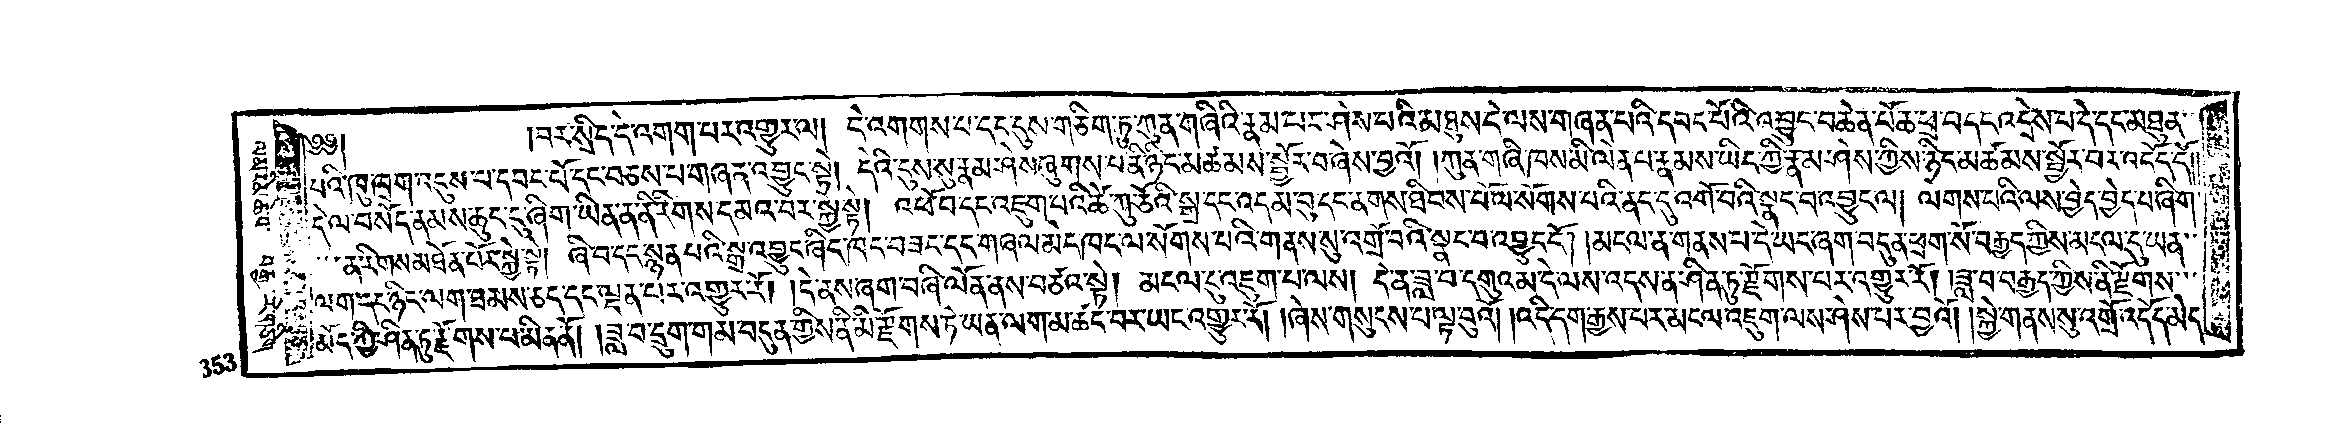༄༅། །བར་སྲིད་དེ་འགག་པར་འགྱུར་ལ། དེ་འགགས་པ་དང་དུས་གཅིག་ཏུ་ཀུན་གཞིའི་རྣམ་པར་ཤེས་པའི་མཐུས་དེ་ལས་གཞན་པའི་དབང་པོའི་འབྱུང་བ་ཆེན་པོ་ཆ་ཕྲ་བ་དང་འདྲེས་པ་དེ་དང་མཐུན་
པའི་ཁུ་ཁྲག་འདུས་པ་དབང་པོ་དང་བཅས་པ་གཞན་འབྱུང་སྟེ། དེའི་དུས་སུ་རྣམ་ཤེས་ཞུགས་པ་ནི་ཉིང་མཚམས་སྦྱོར་བ་ཞེས་བྱའོ། །ཀུན་གཞི་ཁས་མི་ལེན་པ་རྣམས་ཡིད་ཀྱི་རྣམ་ཤེས་ཀྱིས་ཉིང་མཚམས་སྦྱོར་བར་འདོད་དོ། །
དེ་ལ་བསོད་ནམས་ཆུང་ངུ་ཞིག་ཡིན་ན་ནི་རིགས་དམའ་བར་སྐྱེ་སྟེ། འཕོ་བ་དང་འཇུག་པའི་ཚེ་ཀུ་ཅོའི་སྒྲ་དང་འདམ་བུ་དང་ནགས་ཐིབས་པོ་ལ་སོགས་པའི་ནང་དུ་འགྲོ་བའི་སྣང་བ་འབྱུང་ལ། ལེགས་པའི་ལས་བྱེད་བྱེད་པ་ཞིག་
ན་རིགས་མཐོན་པོར་སྐྱེ་སྟེ། ཞི་བ་དང་སྙན་པའི་སྒྲ་འབྱུང་ཞིང་ཁང་བཟང་དང་གཞལ་མེད་ཁང་ལ་སོགས་པའི་གནས་སུ་འགྲོ་བའི་སྣང་བ་འབྱུང་ངོ། །མངལ་ན་གནས་པ་དེ་ཡང་ཞག་བདུན་ཕྲག་སོ་བརྒྱད་ཀྱིས་མངལ་དུ་ཡན་
ལག་དང་ཉིང་ལག་ཐམས་ཅད་དང་ལྡན་པར་འགྱུར་རོ། །དེ་ནས་ཞག་བཞི་ལོན་ནས་བཙའ་སྟེ། མངལ་དུ་འཇུག་པ་ལས། དེ་ན་ཟླ་བ་དགུའམ་དེ་ལས་འདས་ན་ཤིན་ཏུ་རྫོགས་པར་འགྱུར་རོ། །ཟླ་བ་བརྒྱད་ཀྱིས་ནི་རྫོགས་
མོད་ཀྱི་ཤིན་ཏུ་རྫོགས་པ་མིན་ནོ། །ཟླ་བ་དྲུག་གམ་བདུན་གྱིས་ནི་མི་རྫོགས་ཏེ་ཡན་ལག་མཚང་བར་ཡང་འགྱུར་རོ། །ཞེས་གསུངས་པ་ལྟ་བུའོ། །འདི་དག་རྒྱས་པར་མངལ་འཇུག་ལས་ཤེས་པར་བྱའོ། །སྐྱེ་གནས་སུ་འགྲོ་འདོད་མེད་